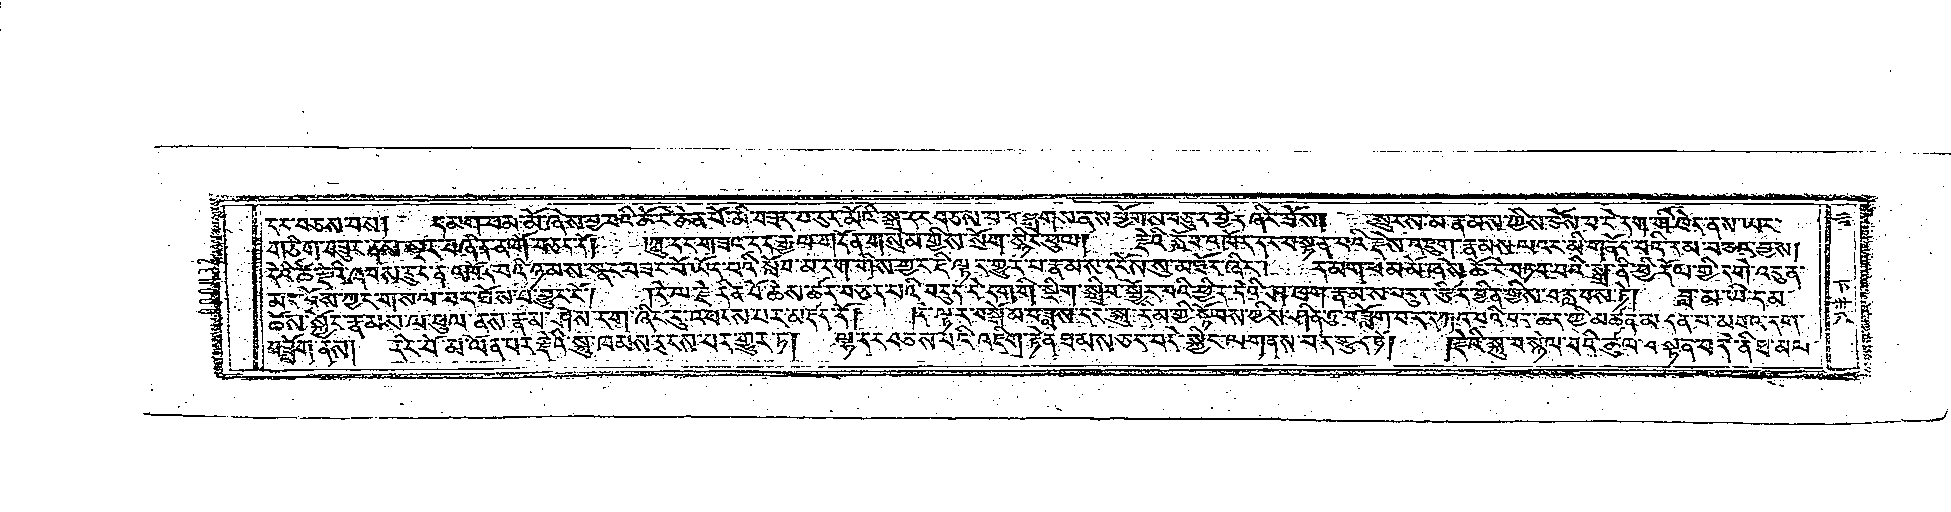དང་བཅས་པས། དམག་ཕམ་མོ་ཞེས་བྱ་བའི་ཆོ་ངེ་ཆེན་པོ་མི་བཟད་པ་དུད་མོའི་སྒྲ་དང་བཅས་པ་བསྒྲགས་ནས་ཕྱོགས་བཅུར་བྱེད་ཞིང་བྲོས། སྲུངས་མ་རྣམས་ཀྱིས་བྲོས་པ་དེ་དག་གི་ཁྲེད་ནས་ཡང་
གཅིག་བཟུང་ནས་སྔར་བཞིན་མགོ་བཅད་དོ། །ཀླུ་དང་གཟའ་དང་རྒྱལ་གདོན་གསུམ་གྱིས་སྲོག་སྙིང་ཕུལ། རྗེའི་སློབ་འཁོར་དང་བསྟན་པའི་རྗེས་འཇུག་རྣམས་ལའང་མི་གནོད་པའི་དམ་བཅའ་བྱས།
དེའི་ཚེ་རྗེའི་ཞབས་དྲུང་ན་འཁོར་བའི་ཉམས་སྣང་བཟང་པོ་ཡོད་པའི་སློབ་མ་ངག་གིས་ཀྱང་ཇི་ལྟར་གྱུར་པ་རྣམས་དངོས་སུ་མཐོང་ཞིང་། དམག་ཕམ་མོ་ཞེས་ཆོ་རེ་བཏབ་པའི་སྒྲ་ནི་ཕྱི་རོལ་གྱི་དགེ་འདུན་
མང་པོས་ཀྱང་གསལ་བར་ཐོས་པ་བྱུང་ངོ། །དེ་ལ་རྗེ་རིན་པོ་ཆེས་ཚར་བཅད་པའི་བདུད་དེ་དག་གི་སྡིག་སྒྲིབ་སྦྱོང་བའི་ཕྱིར་དེའི་ཤ་ཁྲག་རྣམས་བདུད་རྩིར་བྱིན་གྱིས་བརླབས་ཏེ། བླ་མ་ཡི་དམ་
ཆོས་སྐྱོང་རྣམས་ལ་ཕུལ་ནས་རྣམ་ཤེས་དག་ཞིང་དུ་འཕངས་པར་མཛད་དོ། །དེ་ལྟར་བསྒོམ་བཟླས་དང་སྐུ་རིམ་གྱི་སྟོབས་ཀྱིས་ཤིན་ཏུ་བཟློག་པ་དཀའ་བར་ཆད་ཀྱི་མཚན་མ་ངན་པ་མཐའ་དག་
བཟློག་ནས། རིང་བོ་མ་ལོན་པར་རྗེའི་སྐུ་ཁམས་དྭངས་པར་གྱུར་ཏེ། ལྷ་དང་བཅས་པའི་འཇིག་རྟེན་ཐམས་ཅད་བདེ་སྐྱིད་ལ་གནས་པར་གྱུར་ཏོ། །རྗེའི་སྐུ་བསྙེལ་བའི་ཚུལ་བསྟན་བདེ་ནི་ཐ་མལ་